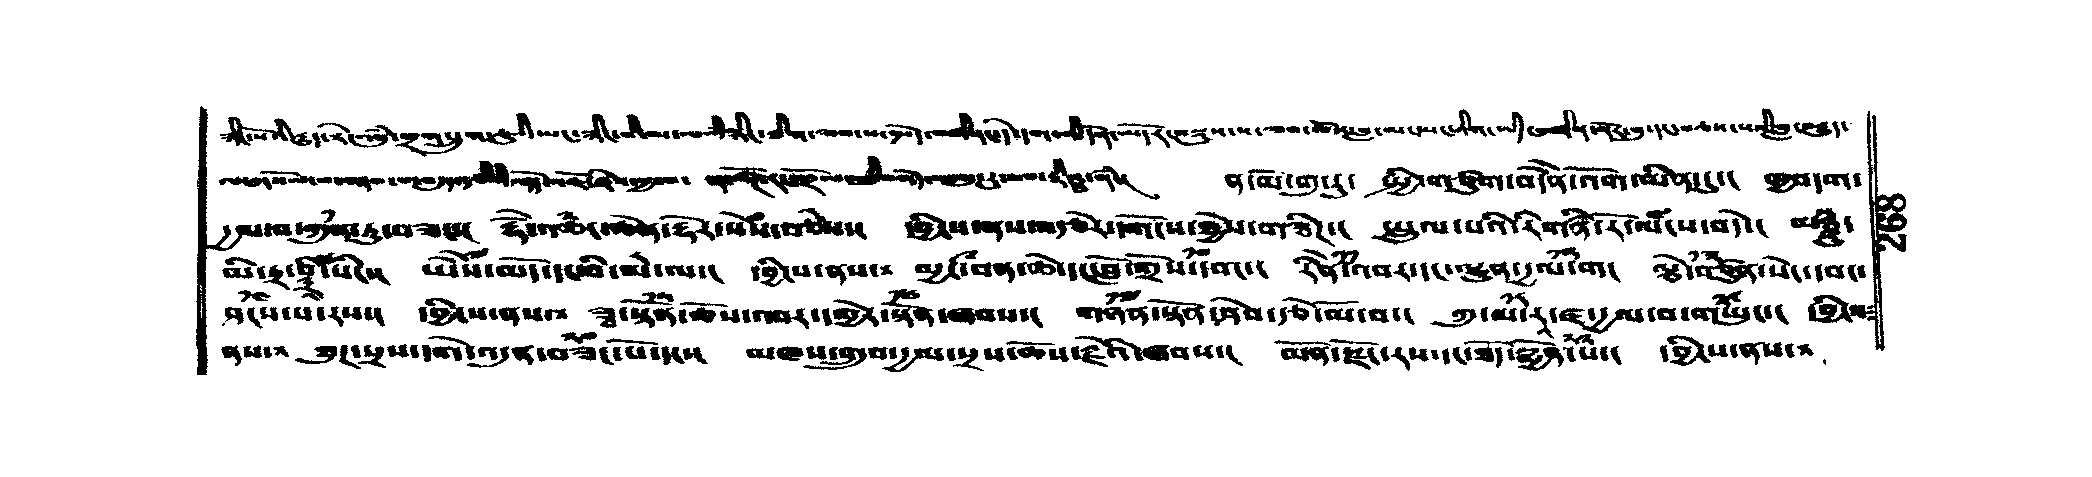སྙིང་པོའི་རྒྱུད་སྡེ་འབུམ་ཕྲག་དྲུག་ཅུའི་ཡང་སྙིང་བི་མ་ལའི་སྙིང་ཐིག་ཟབ་པ་སྤོད་བཞི་དང་དེ་དག་གི་དོན་མདོར་བསྡུས་པ་ཟབ་ཆོས་བླ་མ་ཡང་ཐིག་ཡིད་བཞིན་ནོར་བུ་དང་བཅས་པའི་བླ་བརྒྱུད་
ལ་གསོལ་བ་བཏབ་པ་བདུད་རྩིའི་འདོད་འཇོ་ཞེས་བྱ་བ་ལ། སྣ་ཚོགས་རང་གྲོལ་གྱི་བཀོད་པ་གུ་རུ་ཨ་དྷིཥྛ་ན་མ། ན་མོ་གུ་རུ། སྤྱི་གཙུག་བདེ་ཆེན་འོག་མིན་དུ། །ཁྱབ་བདག་
རྒྱལ་བ་ཀུན་ཏུ་བཟང་། །རྡོ་རྗེ་འཆང་ཆེན་རྡོར་སེམས་བཅས། །དབྱིངས་ནས་བརྩེར་དགོངས་ཐུགས་རྗེས་གཟིགས། །སྤྲུལ་པའི་རིག་འཛིན་རོ་ལངས་བདེ། །མཉྫུ་
མི་ཏྲ་ཤྲཱི་སེང་། །ཡེ་ཤེས་མདོ་དང་བི་མ་ལ། །དབྱིངས་ནས༴ །མྱང་བན་ཆེ་དང་བློ་གྲོས་དབང་། །རིན་ཆེན་འབར་དང་ལྷུན་རྒྱལ་དང་། །ལྕེ་བཙུན་སེང་དབང་
ཤངས་པ་རས། །དབྱིངས་ནས༴ །ཟྭ་སྟོན་ཆོས་འབར་དགྱེར་སྟོན་ཞབས། །གཉན་སྟོན་ཤེས་རབ་རྩེ་མོ་བ། །ཀུ་མ་རཱ་ཛ་རྒྱལ་བ་གཡུང་། །དབྱིངས་
ནས༴།ཐུགས་སྲས་དགེ་འདུན་བཟང་པོ་དང་། །མཁས་གྲུབ་རྒྱལ་སྲས་ཆོས་རྗེའི་ཞབས། །མོན་རྫོང་རས་དང་ཐོད་སྨྱོན་པ། །དབྱིངས་ནས༴